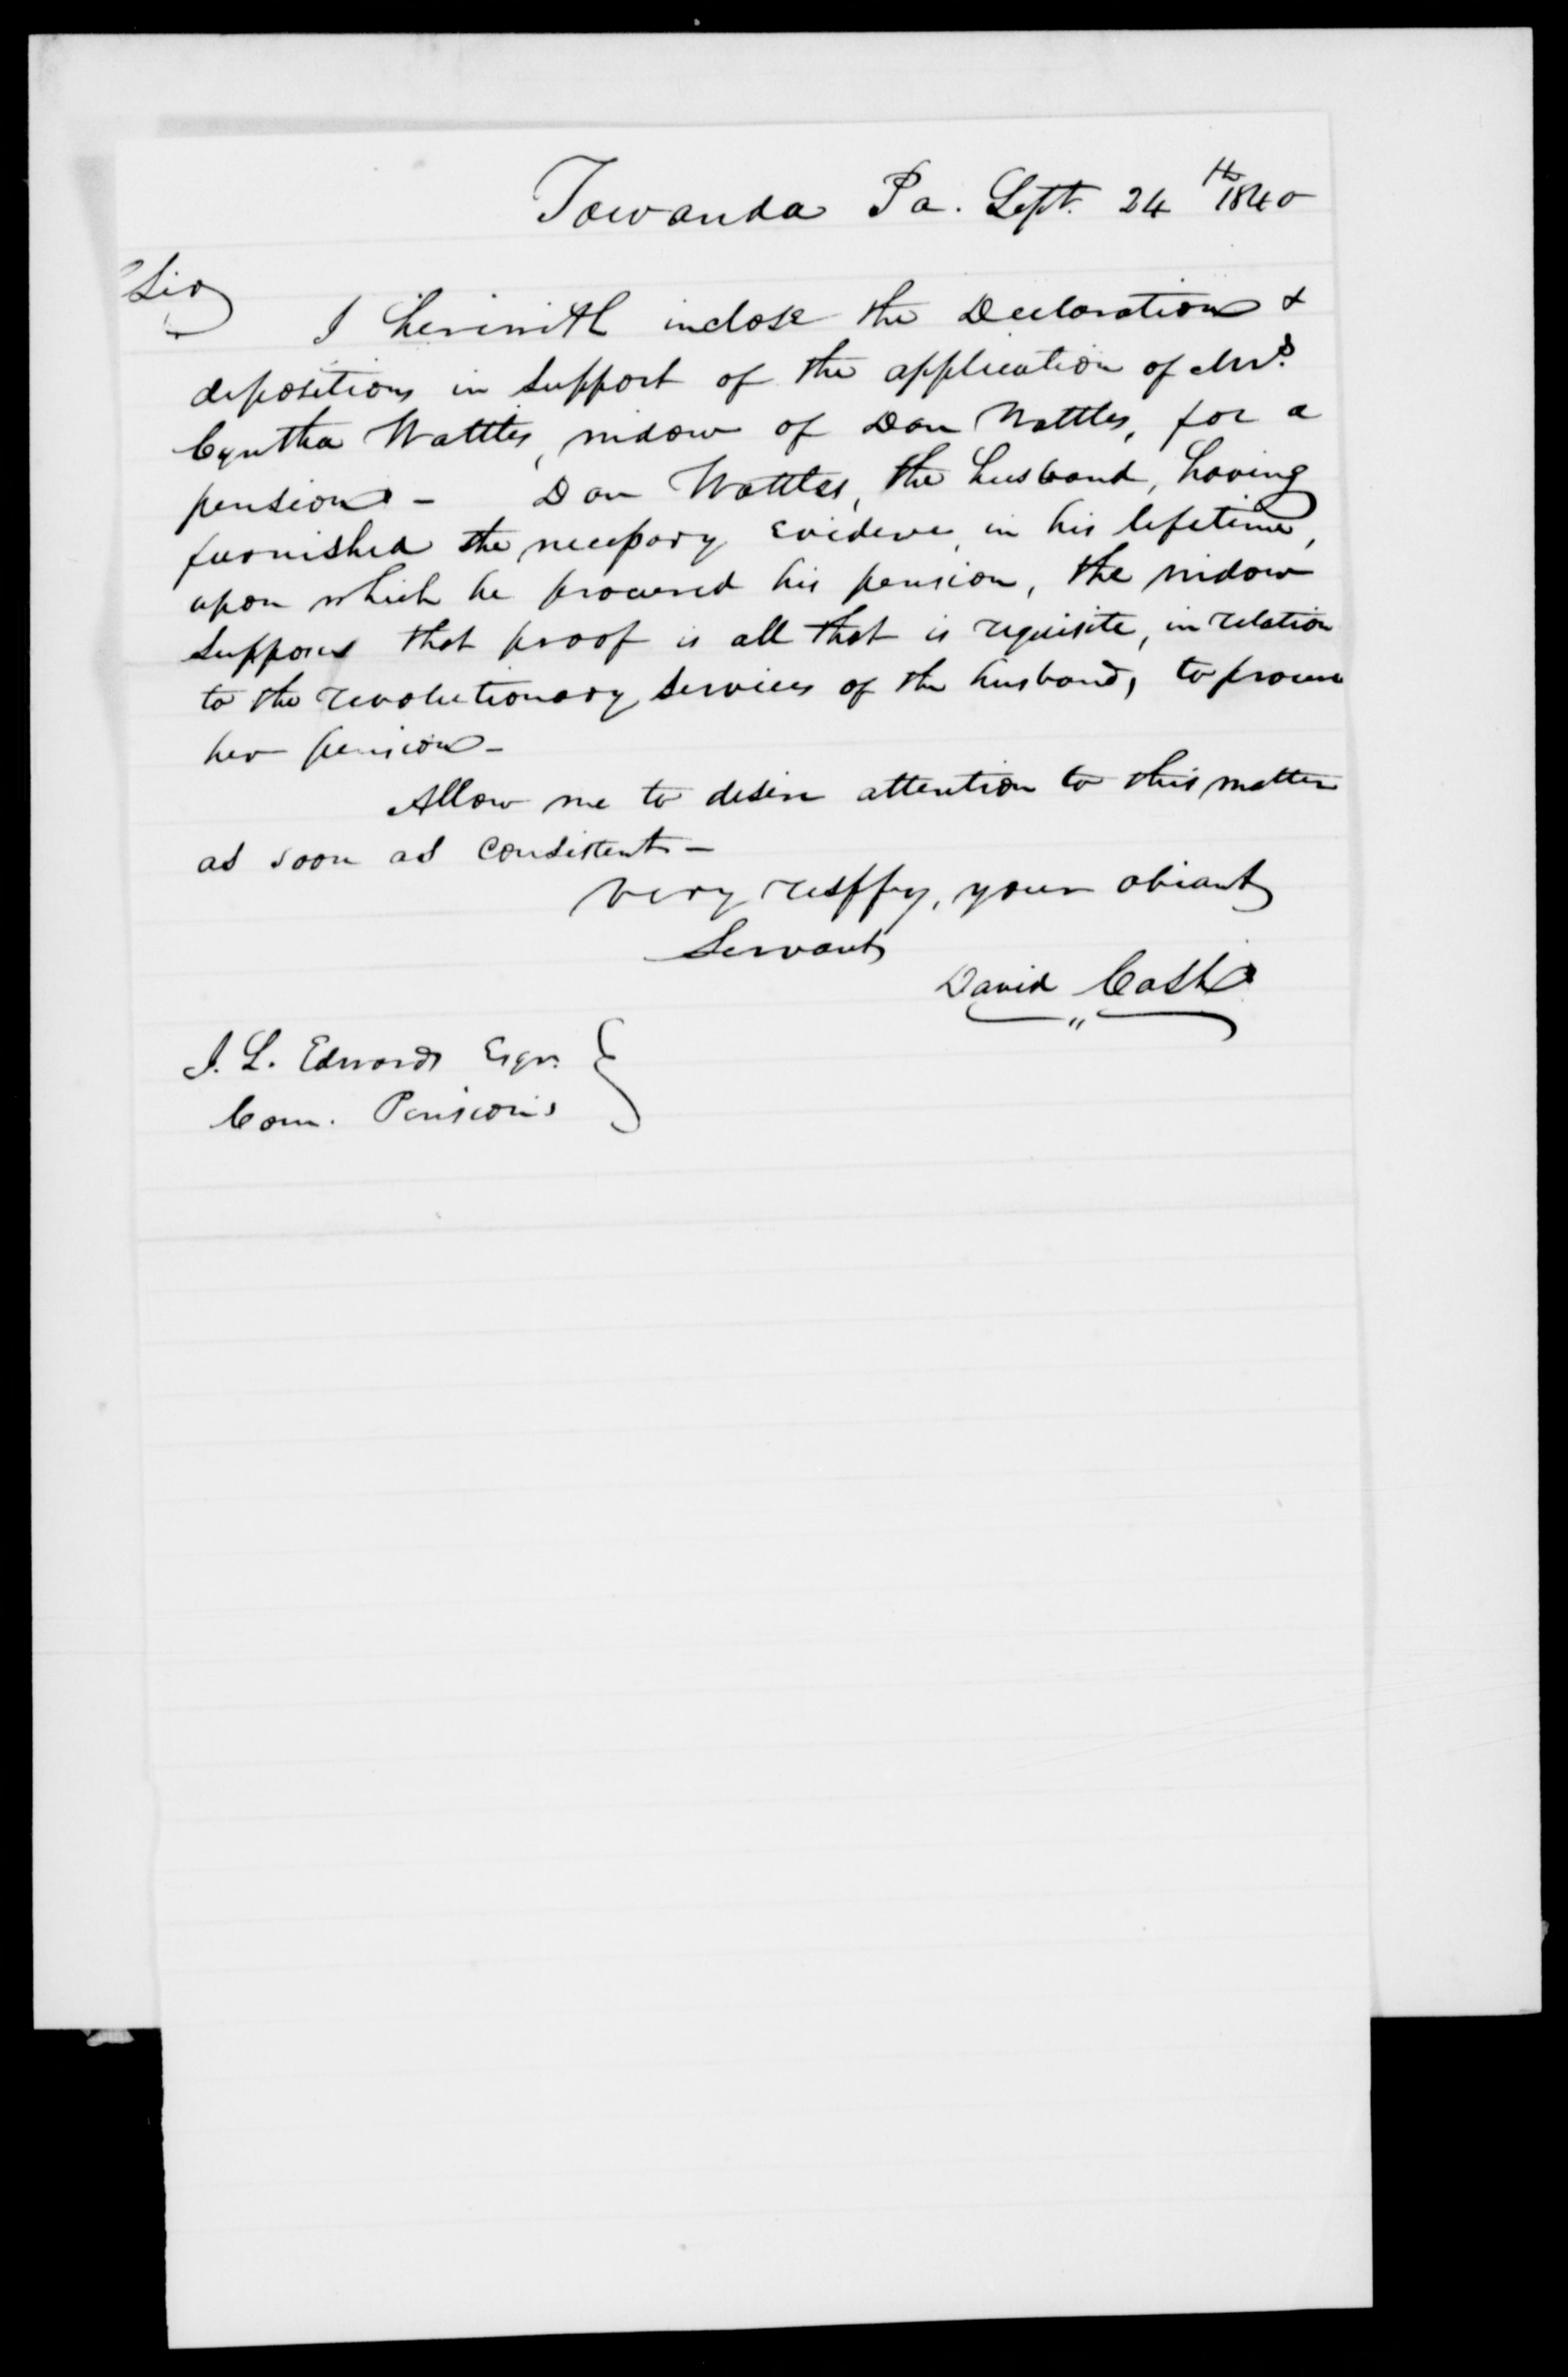Towanda Pa.   Sept 24th 1840

Dear Sir
I herewith enclose the declaration & depositions in support of the application of Mrs. Cynthia Wattles, widow of Dan Wattles, for a pension.  Dan Wattles, the husband, having furnished the necessary evidence in his lifetime, upon which he procured  his pension.  The widow supports that proof is all that is required in relation to the revolutionary services of her husband, to prove her pension.
Allow me to desire attention to this matter as soon as consistent.
Very resffy, your obiant
Servant
David Cash

J. L. Edwards, Esq.}
Com. Pension}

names: Cyntha Wattles, David Cash, Dan Wattles, J L Edwards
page: 49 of 70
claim: widow's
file: W. 3743, Dan Wattles, Conn.